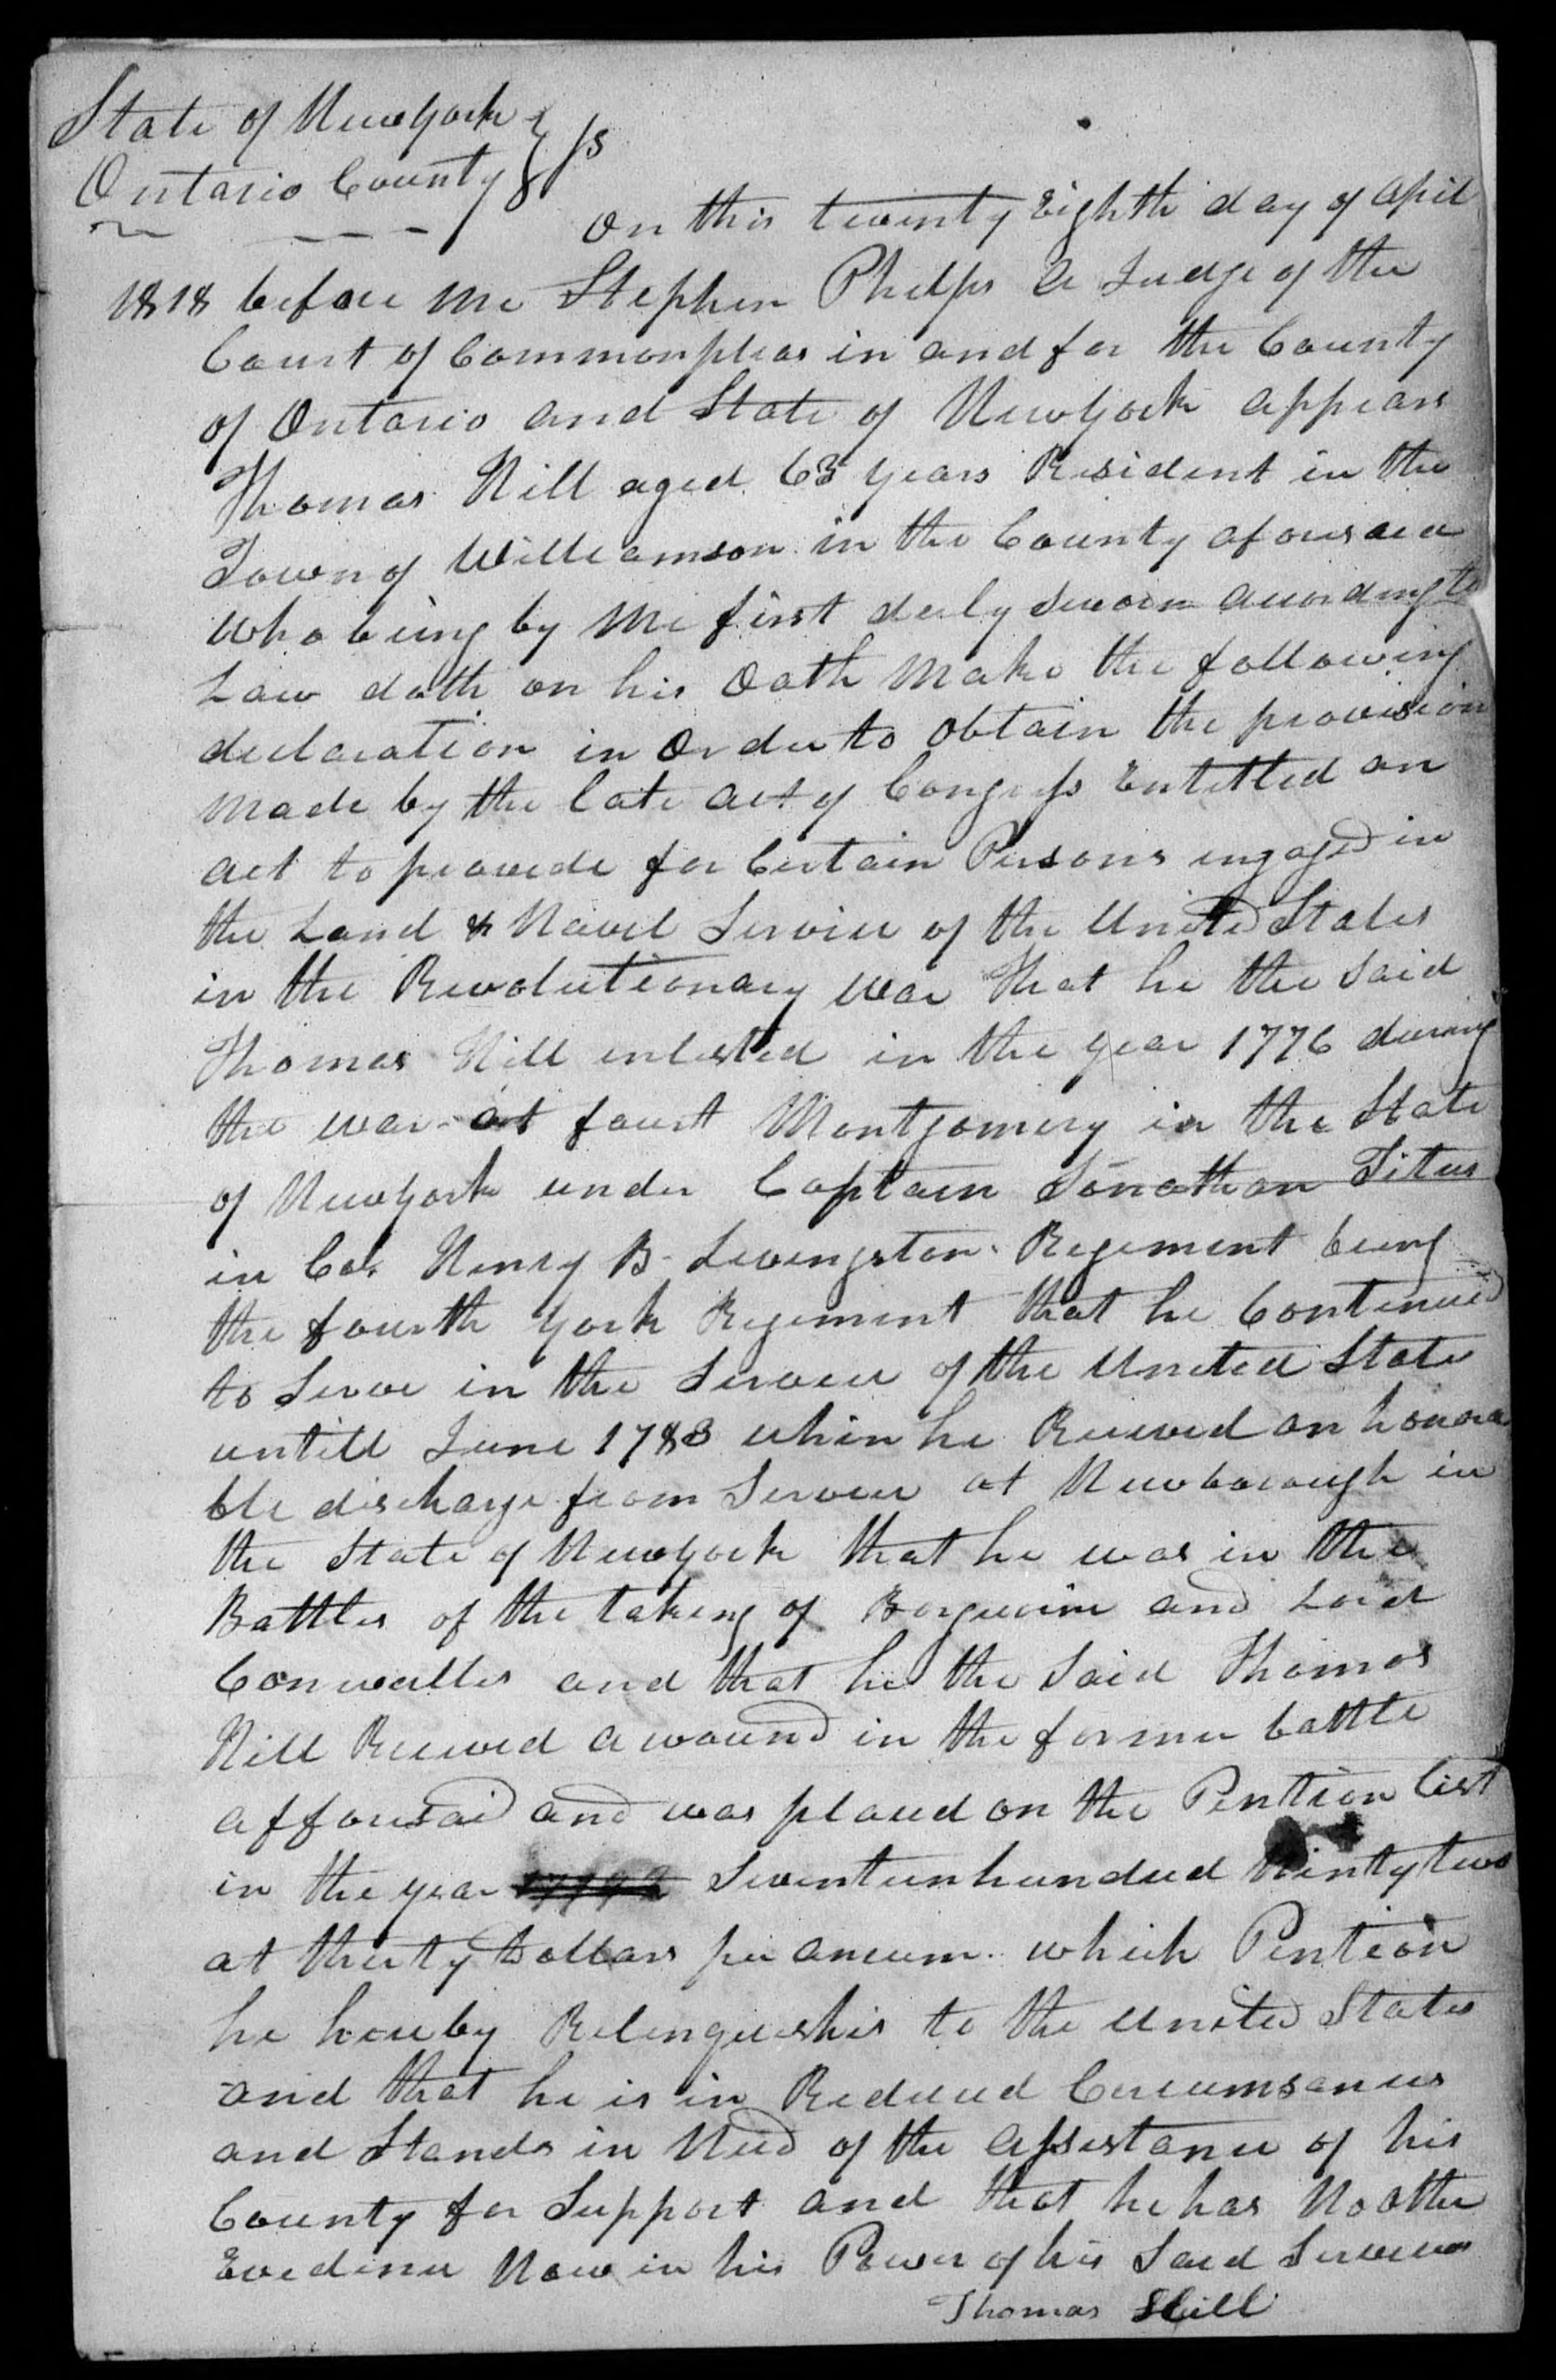State of New York
Ontario County
On this twenty eighth day of April 1818 before me Stephen Phelps a Judge of the Court of Common pleas in and for the County of Ontario and State of New York appears Thomas Hill aged 63 years Resident in the Town of Williamson in the County aforesaid who being by me first duly sworn according to Law doth on his oath make the following declaration in order to obtain the provision made by the late act of Congress entitled an act to provide for certain Persons engaged in the Land & Naval Service of the United States in the Revolutionary War that he the said Thomas Hill enlisted in the year 1776 during that war at faurt[sic] Montgomery in the State of New York under Captain Jonathan Titus in Col Henry B Livingston, Regiment being the fourth York Regiment that he continued to Serve in the Service of the United States untill[sic] June 1788 whin[sic] he Received an honorable discharge from Service at Newborough in the State of New York that he was in these Battles of the taking of B[illegible] and Lord Cornwallis and that he the said Thomas Hill received a wound in the former battle afforesaid was placed on the Pention List in the year 17792[crossed-out] seventeen hundred ninty two at thirty dollars per annum which Pention he hereby relinquishes to the United States and that he is in Reduced Circumsances [sic] and stands in Need of the assistance of his County for Support and that he has no other evidence now in his Power of his Said survivor
Thomas Hill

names: Thomas Hill, Thomas Hill, Stephen Philps, Cornwallis, Thomas Hill, Jonathan Titus, Henry B Livingston, Benjamin, Thomas Hill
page: 8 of 31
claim: survivor's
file: S. 43672, Thomas Hill, New York